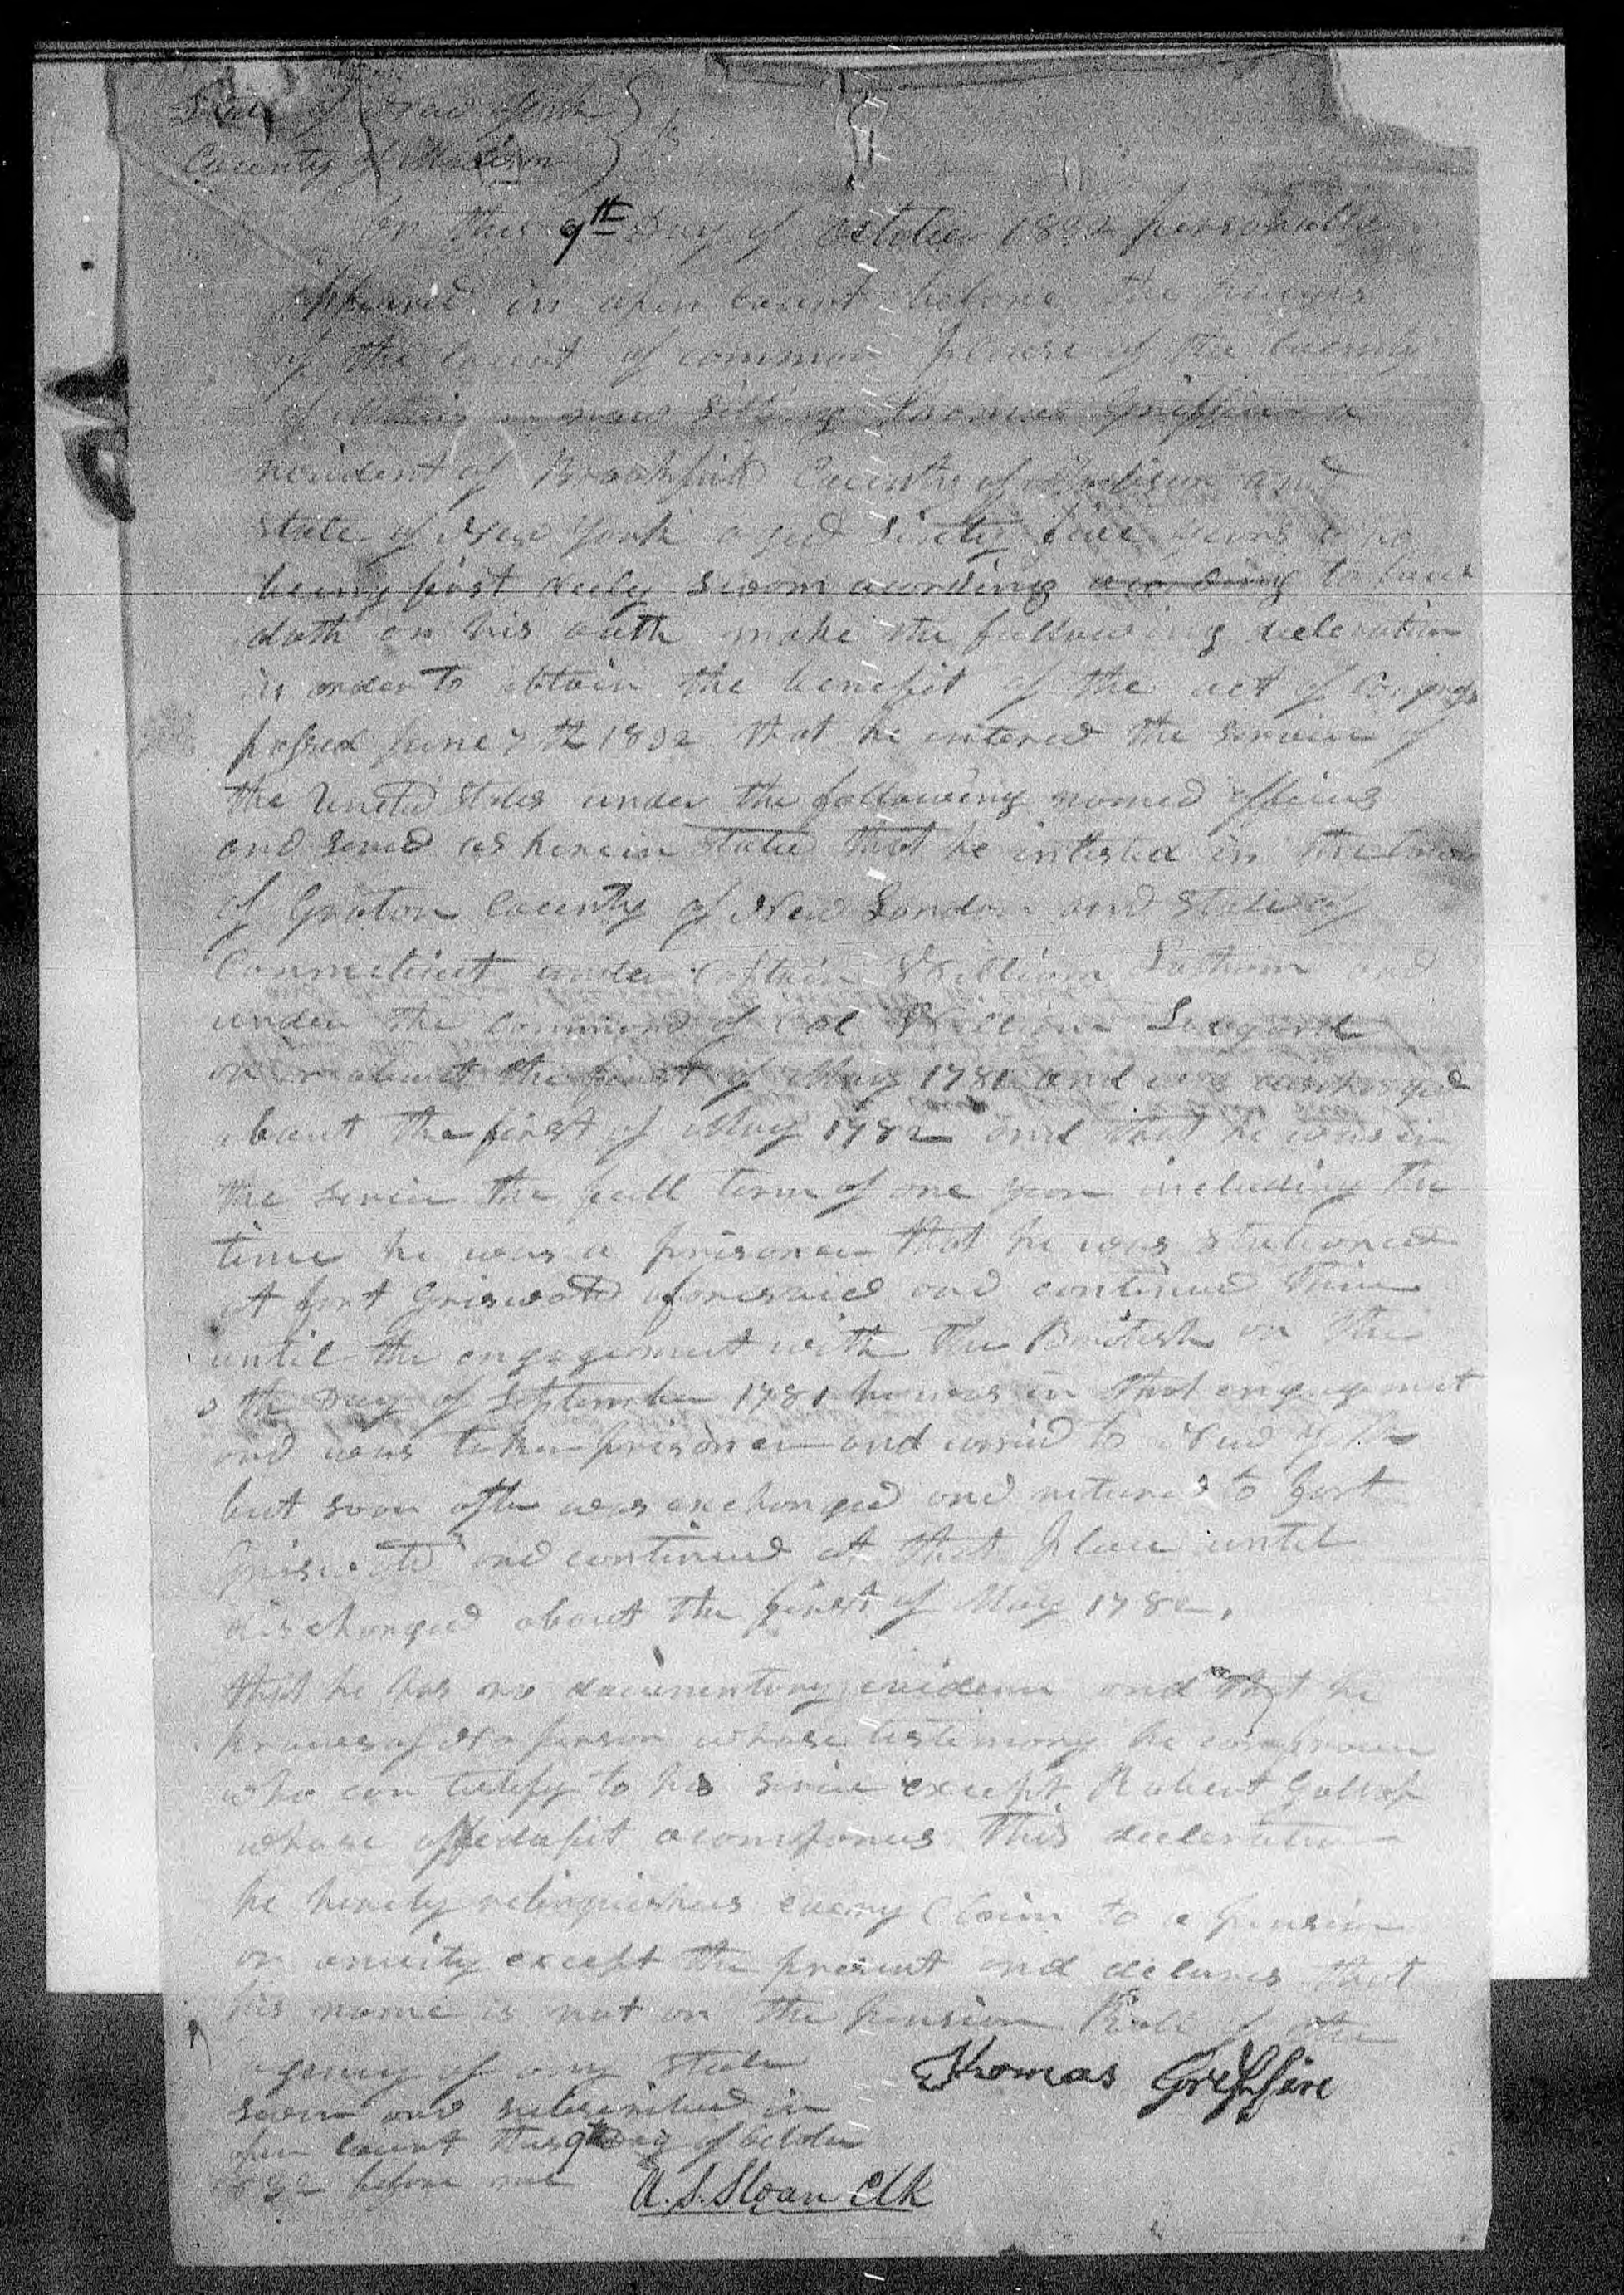State of New York}
County of Madison} Ss
On this 9th day of October 1832 personally appeared in open court before the Judges of the Court of Common Pleas of the County of Madison in said setting Thomas Griffin a resident of Brookfield County of Madon and state of New York aged sixty five years of age being first duly sworn according to law doth on his oath make the following declaration in order to obtain the benefit of the Act of Congress passed June 7th 1832 that he entered the service of the United States under the following named officers and served as honcise stated that he enlisted in the town of Groton County of New London and State of Connecticut under Captain William Lathom and under the command of Col William Ledyard on or about the first of May 1781 and was discharged about the first of May 1782 and that he was in the service the full term of one year including the time he was a prisoner that he was stationed at Fort Griswold aforesaid and continued there until the engagement with the British on the 6th day of September 1781 he was in that engagement and was taken prisoner and carried to New York but soon after was exchanged and returned to Fort Griswold and continued at that place unit discharged about the first of May 1782.
that he has no documentary evidence and that he knows of no person whose testimony he can procure who can testify to his service except Rebert Gallap whose affidavit accompanies this declaration 
he hereby relinquishes every claim to a pension or annuity except the present and declares that his name is not of the pension roll of the agency of any state
Thomas Griffin

Sworn and subscribed in open court the 9th day of October 1932 before me
A.S. Sloan Clk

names: Thomas Griffin, William Leogard, Robert Gallap, A S Sloan, Thomas Griffin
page: 5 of 60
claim: widow's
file: W. 19,537, Thomas Griffin, Conn.